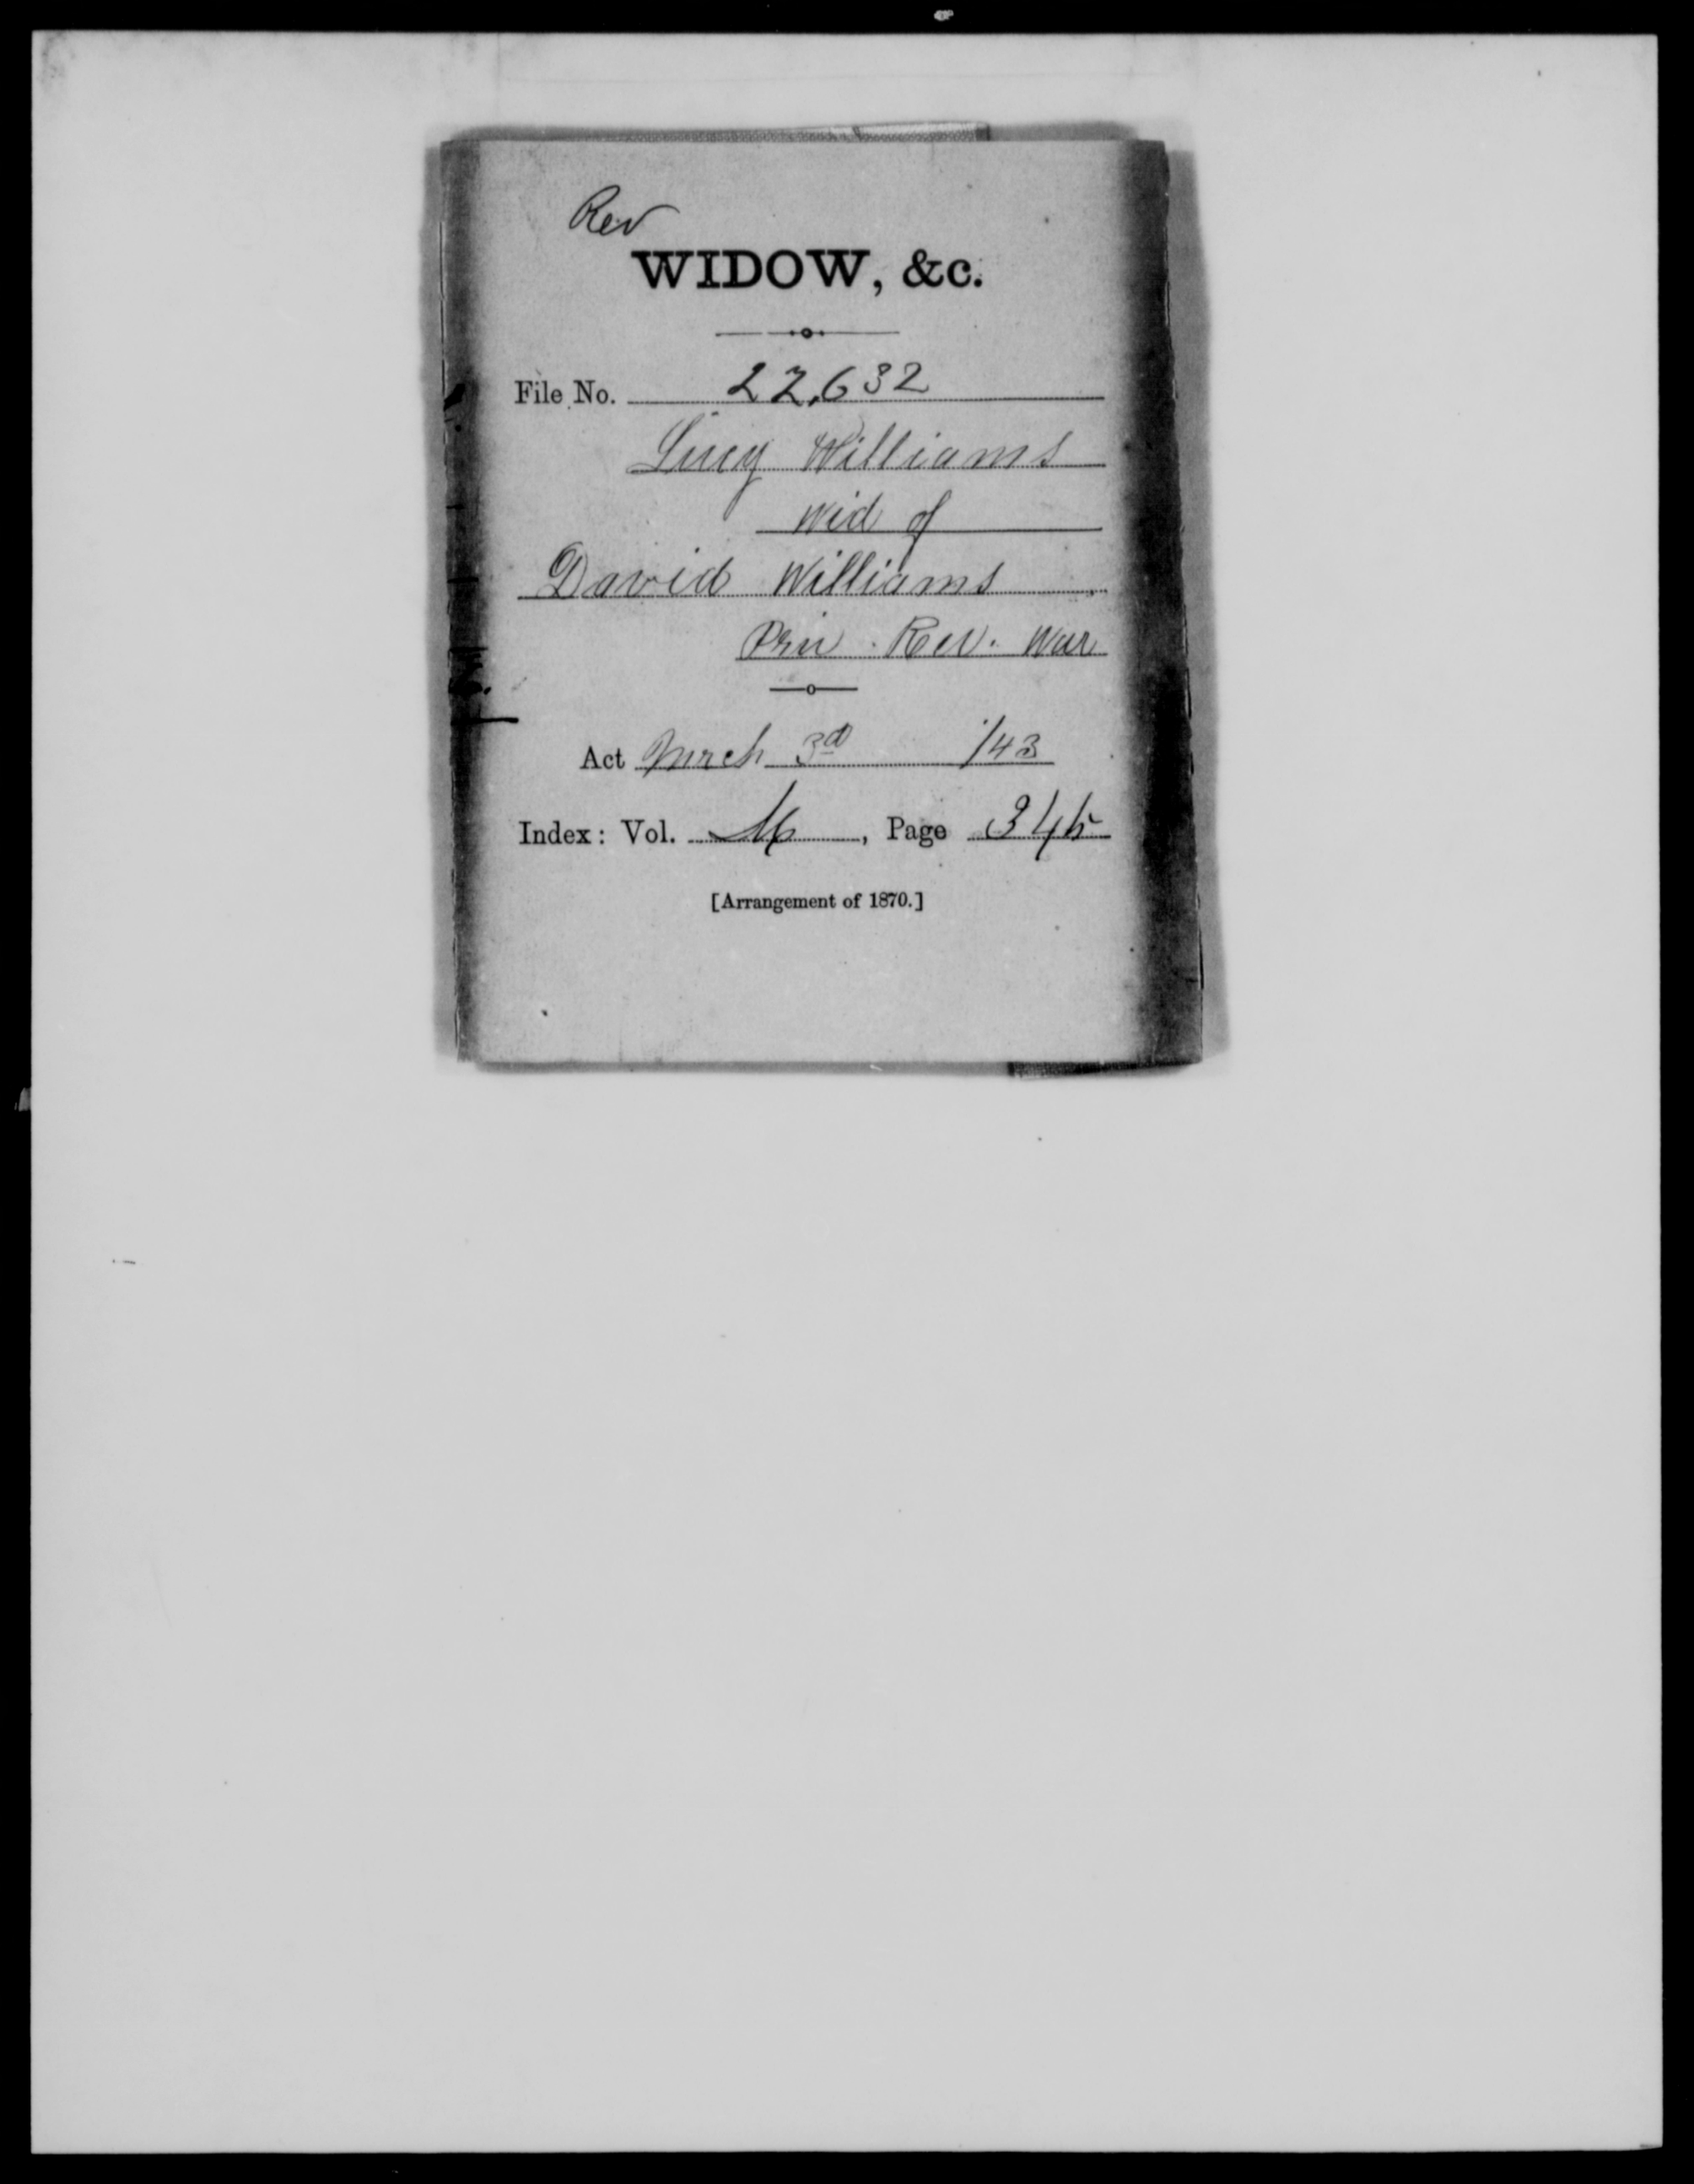Rev
WIDOW, &c
File No. 22,632
Lucy Williams 
Wid of
David Williams
Priv Rev War
Act March 3d /43
Index: Vol. M, Page 345
{Arrangement of 1870}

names: David Williams, Lucy Williams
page: 42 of 63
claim: widow's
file: W. 22,632, David Williams, Conn. Continental Privateer